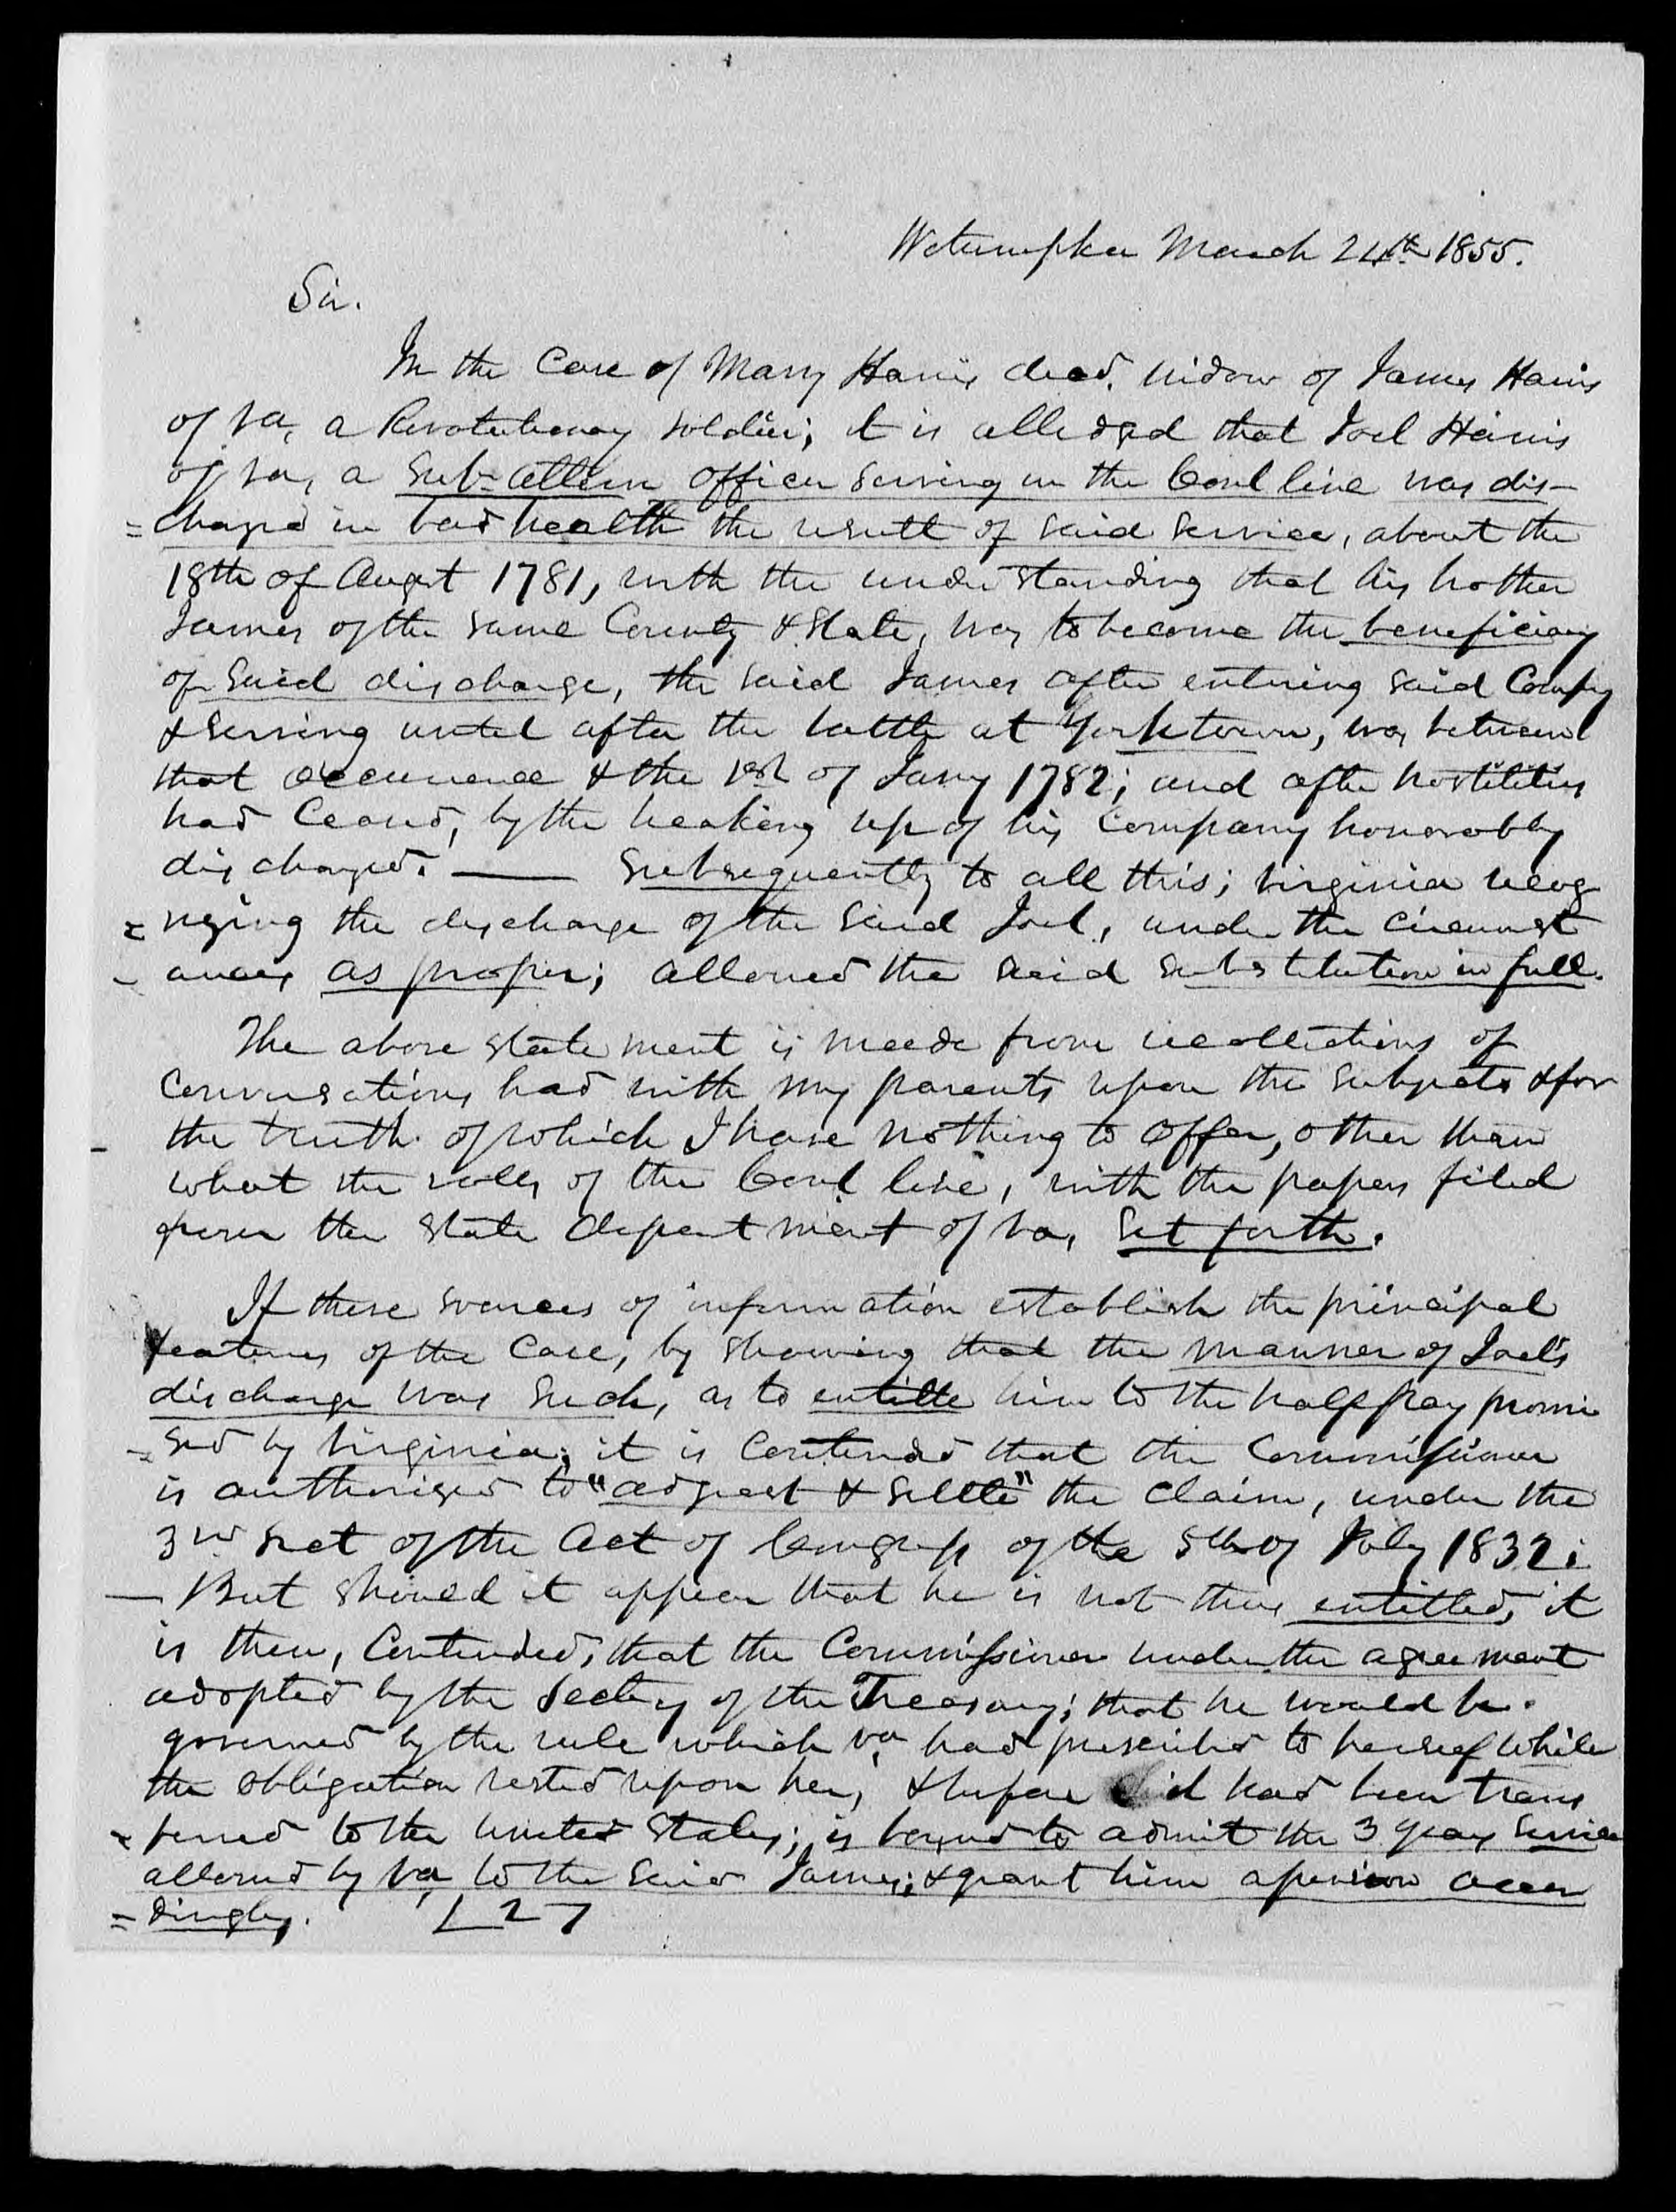Wetumpka March 24th 1855

Sir.
In the case of Mary Harris decd widow of James Harris of Va. a Revolutionary soldier, it is alledged [sic] that Joel Harris of Va, a sub altern officer serving in the Cont line was discharged in bad health the result of said service, about the 18th of August 1781, with the understanding that his brother James of the same county & state, was to become the beneficiary of said discharge, the said James after entering said Compy & serving until after the battle at Yorktown, was between that occurrence & the 18th of Jany 1782; and after hostilities had ceased, by the breaking up of his company honorably discharged.--Subsequently to all this, Virginia recognizing the discharge of the said Joel, under the circumstances as proper, allowed the said substitution in full.
The above statement is made from recollections of conversations had with my parents upon the subjects & for the truth of which I have nothing to offer, other than what the rolls of the Cont line, with the papers filed from the State department of Va. set forth.
If these sources of information establish the principal features of the case, by showing that the manner of Joel's discharge was such, as to entitle him to the half pay promised by Virginia, it is contended that the Commissioner is authorized to "adjust & settle" the claim, under the 3rd sect of the Act of Congress of the 5th of July 1832. But should it appear that he is not thus entitled, it is the contended, that the commissioner under the agreement adopted by the Sectry of the Treasury, that he would be governed by the rule which Va had prescribed to herself while the obligation rested upon her, & before it had been transferred to the United States, is bound to admit the 3 year service allowed by Va with said James & grant him a pension accordingly (2)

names: Joel, Joel, James, James Harris, James, Joel Harris, Mary Harris, James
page: 86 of 160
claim: rejected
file: R. 4666, James Harris, Va.